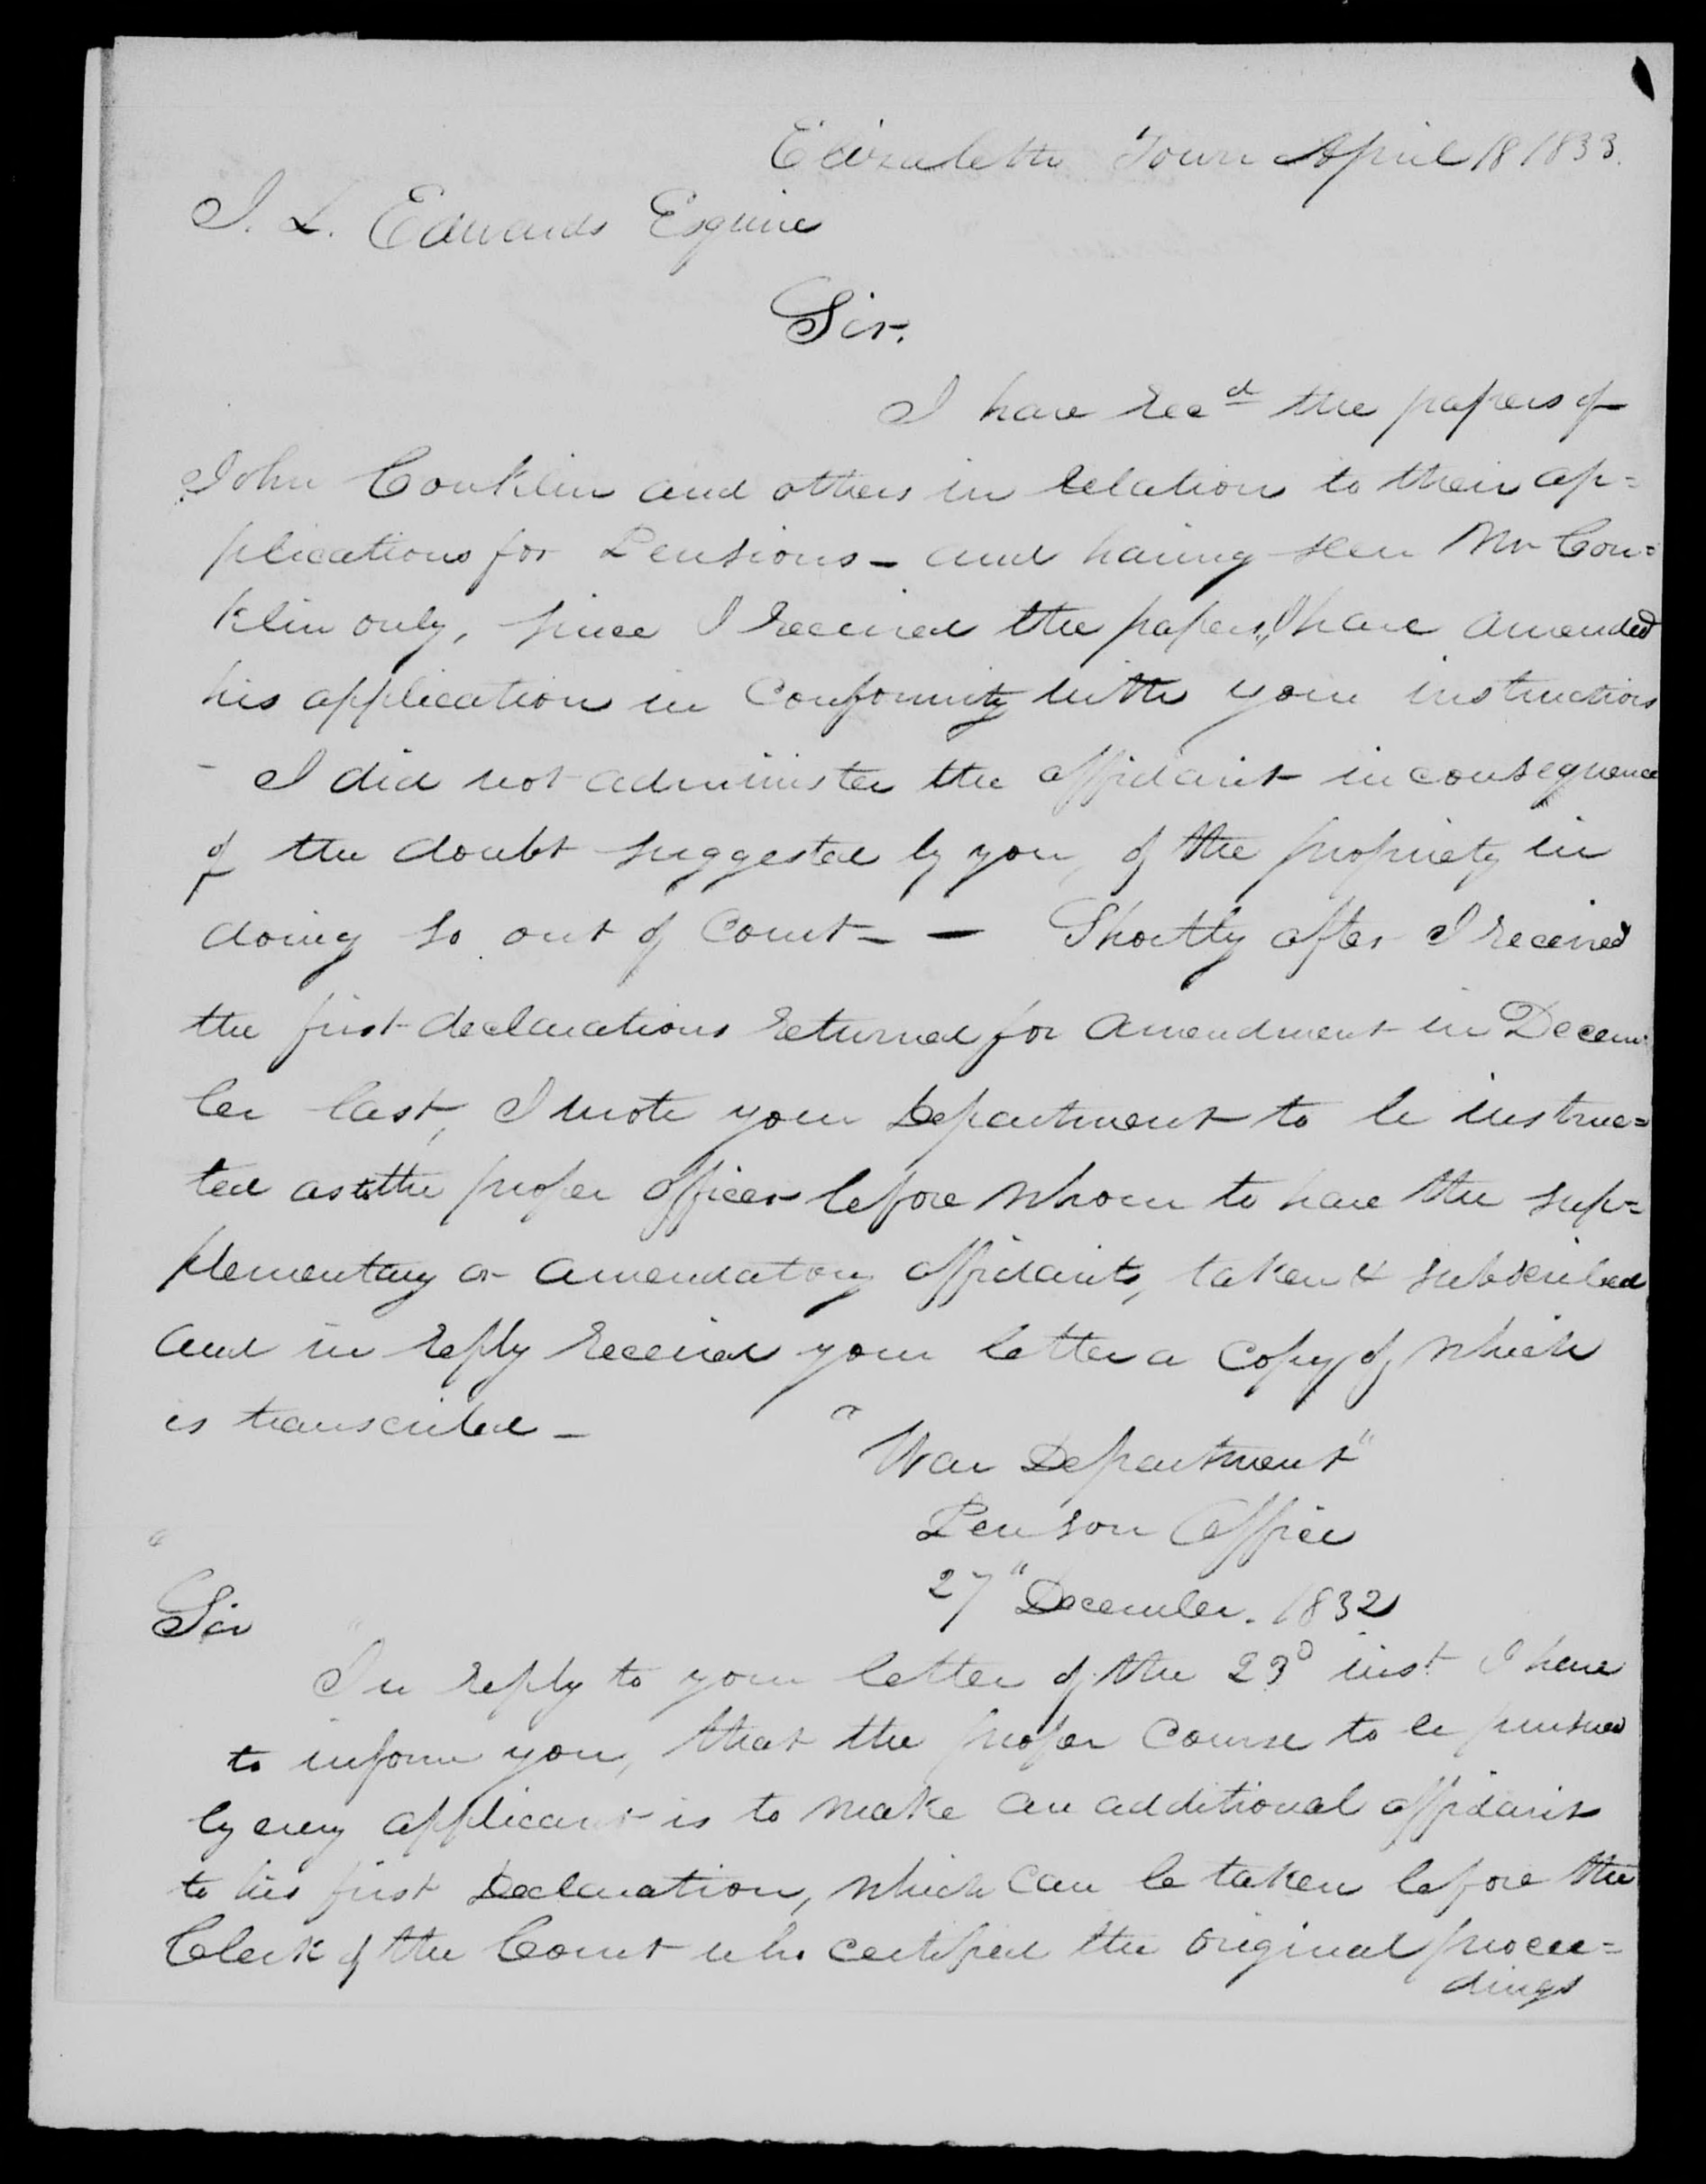Elizabeth [illegible] April 18 1833
J. L. Edwards Esquire
Sir.
I have rec'd the papers of John Conlin and others in relation to their applications for pensions - and having seen Mr Conklin only, since I received the papers, I have amended his application in conformity with your instructions. I did not administer the affidavit in consequence of the doubt suggested by you, of the propriety in doing so out of court. Shortly after I received the first declarations returned for amendment in December last, I wrote your department to be instructed as to the proper officer before whom to have the supplementary or amendatory affidavits taken & subscribed and in reply received your letter a copy of which is transcribed "War Department" Pension Office 27 December 1832
Sir
In reply to your letter of the 23 [illegible] I have to inform you that the proper course to be [illegible] by every applicant is to make an additional affidavit to his first declaration, which can be taken before the Clerk of the Court who certified the original proceedings.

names: Conklin, J L Edwards, John Conklin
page: 20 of 28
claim: survivor's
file: S 2464, John Conklin, New Jersey